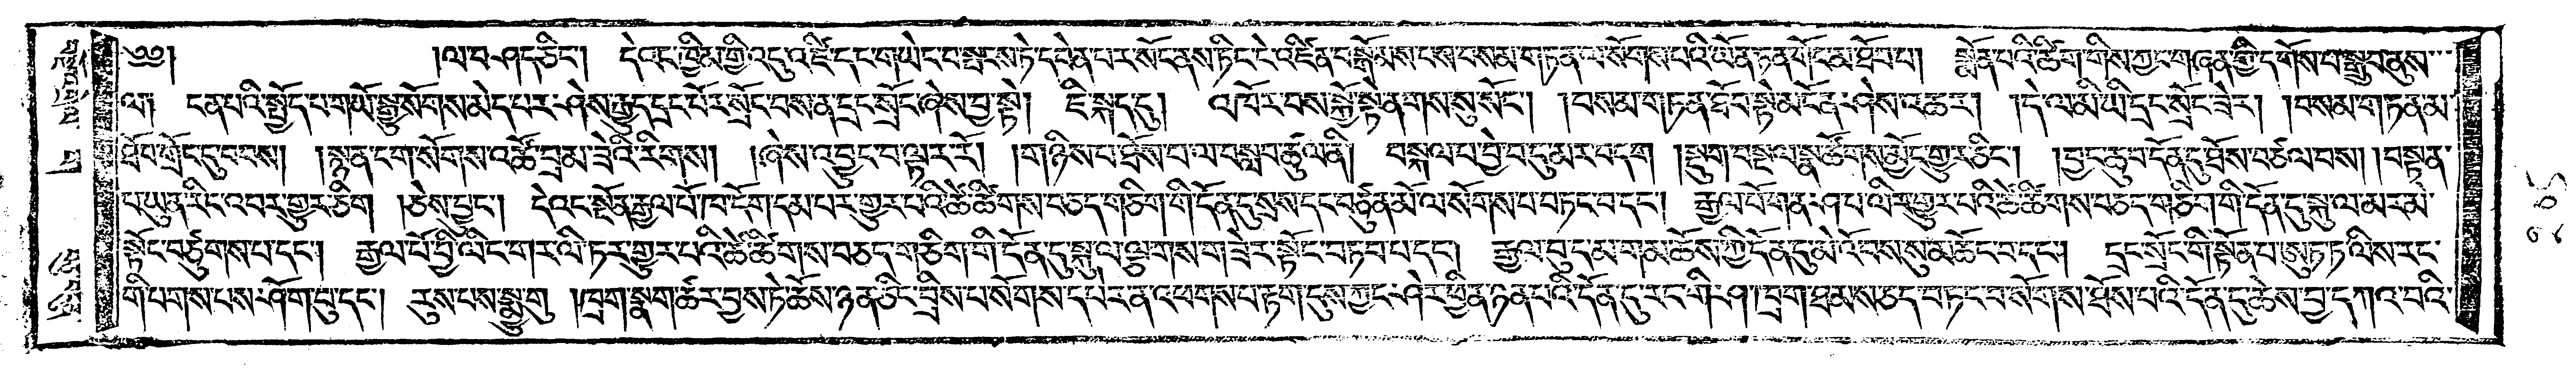༄༅། །ལ་བཤད་ཅིང་། དེའང་ཁྱིམ་གྱི་འདུ་འཛི་དང་གཡེང་བ་སྤངས་ཏེ་དཔེན་པར་སོང་ནས་ཏིང་ངེ་འཛིན་བསྒོམས་པས་བསམ་གཏན་ལ་སོགས་པའི་ཡོན་ཏན་གོང་མ་ཐོབ་པ། སྨོན་པའི་ཚིག་གིས་ཀྱང་གཞན་གྱི་དགོས་པ་སྒྲུབ་ནུས་
ལ༑ ངན་པའི་སྤྱོད་པ་གཡོ་སྒྱུར་སོགས་མེད་པར་ཤེས་རྒྱུད་དྲང་པོར་སྲོང་བས་ན་དྲང་སྲོང་ཞེས་བྱ་སྟེ། ཇི་སྐད་དུ། འཁོར་བས་སྐྱོ་སྟེ་ནགས་སུ་སོང་། །བསམ་གཏན་ཐོབ་སྟེ་མངོན་ཤེས་འཆར། །དེ་ལ་མི་ཡི་དྲང་སྲོང་ཟེར། །བསམ་གཏན་མ་
ཐོབ་གྲོང་དུ་བབས། །སྙན་ངག་སོགས་འཚོ་བྲམ་ཟེའི་རིགས། །ཞེས་འབྱུང་བ་ལྟར་རོ། །གཉིས་པ་ཐོས་བ་ལ་བསླབ་ཚུལ་ནི། བསྐལ་བ་བྱེ་བ་དུ་མར་བདག །སྡུག་བསྔལ་སྣ་ཚོགས་མྱོང་གྱུར་ཅིང་། །བྱང་ཆུབ་དོན་དུ་ཐོས་བཙལ་བས། །བསྟན་
པ་ཡུན་རིང་འབར་གྱུར་ཅིག །ཅེས་བྱང་། དེའང་སྔོན་རྒྱལ་པོ་ཁ་དོག་དམ་པར་གྱུར་པའི་ཚེ་ཚིགས་བཅད་གཅིག་གི་དོན་དུ་སྲས་དང་བཙུན་མོ་ལ་སོགས་པ་བཏང་བ་དང་། རྒྱལ་པོག་ན་ཤ་པ་ལིར་གྱུར་པའི་ཚེ་ཚིགས་བཅད་གཅིག་གི་དོན་དུ་སྐུ་ལ་མར་མེ་
སྟོང་བཙུགས་པ་དང་། རྒྱལ་པོ་བྱི་ལིང་གར་ལི་ཏར་གྱུར་པའི་ཚེ་ཚིགས་བཅད་གཅིག་གི་དོན་དུ་སྐུ་ལ་ལྕགས་གཟེར་སྟོང་བཏབ་པ་དང་། རྒྱལ་བུ་དམ་གམ་ཆོས་ཀྱི་དོན་དུ་མེ་འོབས་སུ་མཆོང་པ་དང་། དྲང་སྲོང་གི་སྟོན་བ་ཨུཏ་ཏ་ལིས་རང་
གི་བགས་ལས་ཤོག་བུ་དང་། རུ་སངས་སྨྱུ་གུ །ཁྲག་སྣག་ཚར་བྱས་ཏེ་ཆོས་ཉན་ཅིང་བྲིས་པ་སོགས་དཔེར་ན་འཕགས་པ་རྟག་དུས་ཀྱང་ཤེས་ཕྱིན་ཉན་པའི་དོན་དུ་རང་གི་ཤ་ཁྲག་ཐམས་ཅད་བཏང་བ་སོགས་ཐོས་པའི་དོན་དུ་ཆེས་བྱ་དཀའ་བའི་